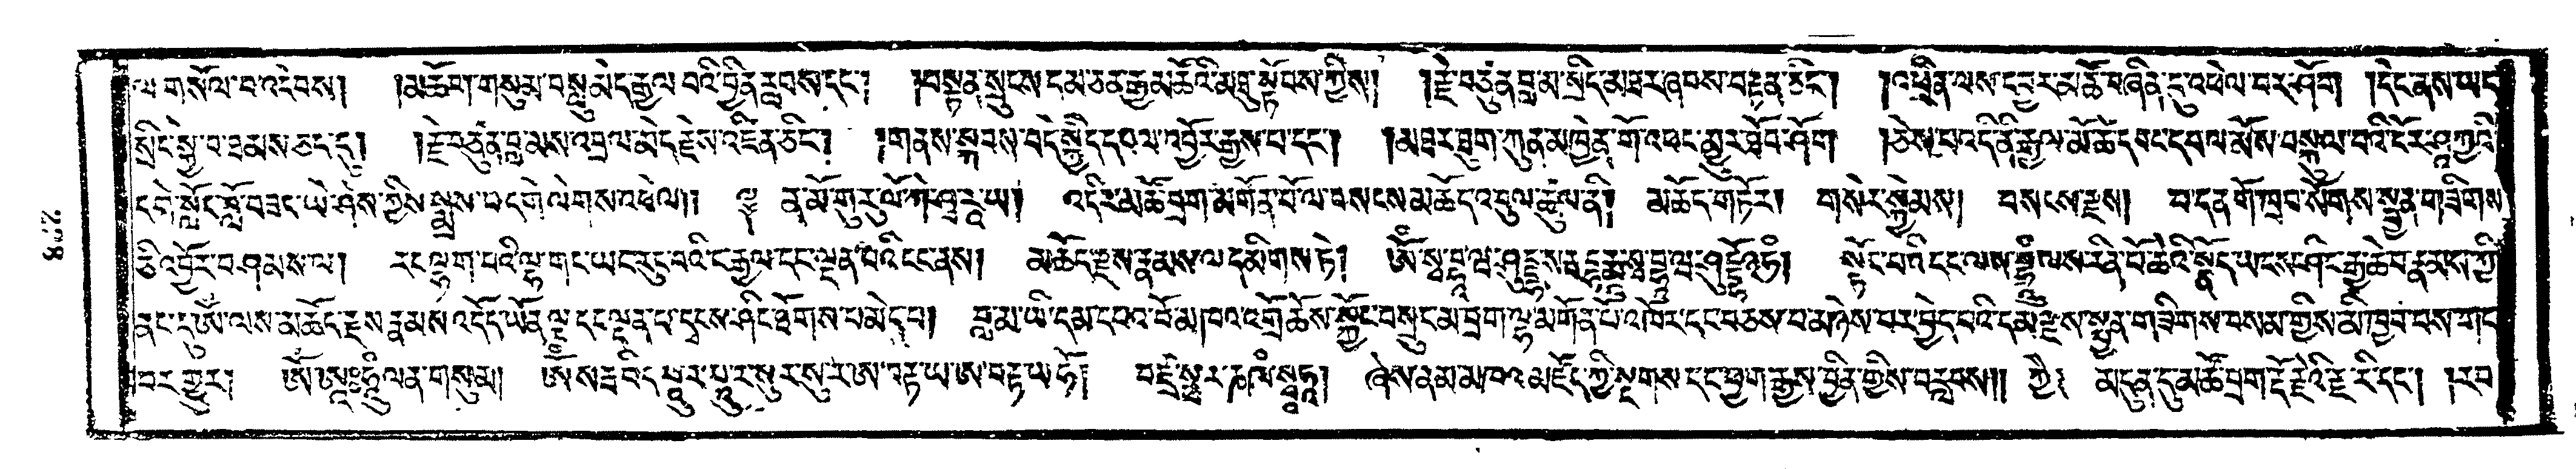ལ་གསོལ་བ་འདེབས། །མཆོག་གསུམ་བསླུ་མེད་རྒྱལ་བའི་བྱིན་རླབས་དང་། །བསྟན་སྲུངས་དམ་ཅན་རྒྱ་མཚོའི་མཐུ་སྟོབས་ཀྱིས། །རྗེ་བཙུན་བླ་མ་སྲིད་མཐར་ཞབས་བརྟན་ཅིང་། །འཕྲིན་ལས་དབྱར་མཚོ་བཞིན་དུ་འཕེལ་བར་ཤོག །དེང་ནས་ཡང་
སྲིང་སྐྱེ་བ་ཐམས་ཅད་དུ། །རྗེ་བཙུན་བླ་མས་འབྲལ་མེད་རྗེས་འཛིན་ཅིང་། །གནས་སྐབས་བདེ་སྐྱིད་དབལ་འབྱོར་རྒྱས་པ་དང་། །མཐར་ཐུག་ཀུན་མཁྱེན་གོ་འཕང་མྱུར་ཐོབ་ཤོག །ཅེས་པ་འདི་ནི་རྒྱལ་མོ་ཚེ་དབང་དབལ་མོས་བསྐུལ་བའི་ངོར་ཤྰྐྱའི་
དགེ་སློང་བློ་བཟང་ཡེ་ཤེས་ཀྱིས་སྨྲས་བ་དགེ་ལེགས་འཕེལ།། ༈ ན་མོ་གུ་རུ་ལོ་ཀེ་ཤྭ་རཱ་ཡ། འདིར་མཚོ་བྲག་མགོན་པོ་ལ་བསངས་མཆོད་འབུལ་ཚུལ་ནི། མཆོད་གཏོར། གསེར་སྐྱེམས། བསངས་རྫས། བ་དན་གོ་ཁྲབ་སོགས་སྤྱན་གཟིགས་
ཅི་འབྱོར་བཤམས་ལ། རང་ལྷག་པའི་ལྷ་གང་ཡང་རུང་བའི་ང་རྒྱལ་དང་ལྡན་བའི་ངང་ནས། མཆོད་རྫས་རྣམས་ལ་དམིགས་ཏེ། ཨོཾ་སྭ་བྷཱ་ཝ་ཤུདྡྷ་སརྦ་དྷརྨཱ་སྭ་བྷཱ་ཝ་ཤུདྡྷོཉྷཾ། སྟོང་པའི་དང་ལས་བྷྲཱུཾ་ལས་རིན་པོ་ཆེའི་སྣོད་ཡངས་ཤིང་རྒྱ་ཆེ་བ་རྣམས་ཀྱི་
ནང་དུ་ཨོཾ་ལས་མཆོད་རྫས་རྣམས་འདོད་ཡོན་ལྔ་དང་ལྡན་པ་དྭངས་ཤིང་ཐོགས་པ་མེད་པ། བླ་མ་ཡི་དམ་དཔའ་བོ་མཁའ་འགྲོ་ཆོས་སྐྱོང་བསྲུང་མ་བྲག་ལྷ་མགོན་པོ་འཁོར་དང་བཅས་པ་མཉེས་པར་བྱེད་བའི་དམ་རྫས་སྤྱན་གཟིགས་བསམ་གྱིས་མི་ཁྱབ་བས་གང་
བར་གྱུར། ཨོཾ་ཨཱཿ ཧཱུཾ་ལན་གསུམ། ཨོཾ་སརྦ་བིད་པཱུ་ར་པཱུ་ར་རུ་ར་སུ་ར་ཨ་བརྟ་ཡ་ཨ་བརྟ་ཡ་ཧོ། བཛྲ་སྥ་ར་ཎ་ཁཾ་སྭཱཏཱ། ཞེས་ནམ་མཁའ་མཛོད་ཀྱི་སྔགས་དང་ཕྱག་རྒྱས་བྱིན་གྱིས་བརླབས།། ཀྱཻ༑ མདུན་དུ་མཚོ་བྲག་རྡོ་རྗེའི་རྗ་རི་དང་། །རབ་